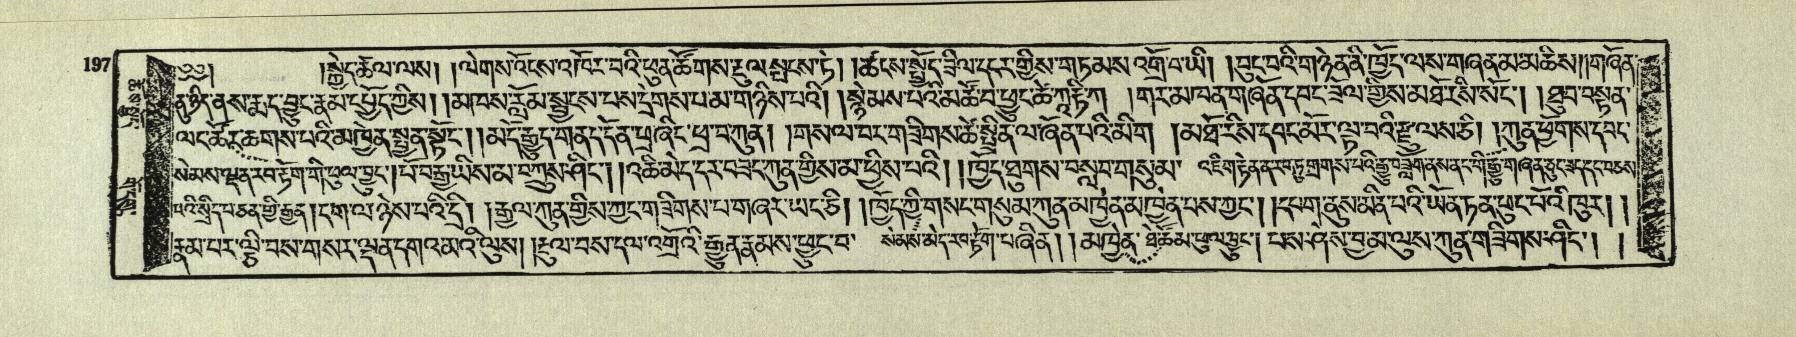༄༅། །སྐྱེད་ཚལ་ལས། །ལེགས་འོངས་འཁོར་བའི་ཕུན་ཚོགས་རྡུལ་སྤངས་ཏེ། །ཚངས་སྤྱོད་ཟིལ་དངར་གྱིས་གཏམས་འགྲོ་བ་ཡི། །བུང་བའི་གཉེན་ནི་ཁྱོད་ལས་གཞན་མ་མཆིས། །གཞོན་
ནུ་ཉིད་ནས་རྨད་བྱུང་རྣམ་དཔྱོད་ཀྱིས། །མཁས་རློམ་སྦྱངས་པས་དྲེགས་པ་མ་གཉིས་པའི། །སྙེམས་པའི་མཚོ་བ་ཕྱུང་ཚེ་ཀཱརྟི་ཀ །གར་མཁན་གཞོན་དབང་ཟོལ་གྱིས་མཐོ་རིས་སོང་། །ཐུབ་བསྟན་
ལང་ཚོར་ཆགས་པའི་མཁྱེན་སྤྱན་སྟོང་། །མདོ་རྒྱུད་གནད་དོན་ཕྲ་ཞིང་ཕྲ་བ་ཀུན། །གསལ་བར་གཟིགས་ཚེ་སྤྲིན་ལ་ཞོན་པའི་མིག །མཐོ་རིས་དབང་མོར་ལྟ་བའི་རྫུ་ལས་ཅི། །ཀུན་ཕྱོགས་དབང་
སེམས་ལྡན་རབ་རྟོག་གི་ཕུལ་བྱུང་།པོ་བརྒྱ་ཡིས་མ་བཀྲུས་ཤིང་། །འཆི་མེད་དར་བཟང་ཀུན་གྱིས་མ་ཕྱིས་པའི། །ཁྱོད་ཐུགས་བསླབ་གསུམ་འཇིག་རྟེན་ན་རབ་ཏུ་གྲགས་པའི་རྒྱུ་བཟློག་ནས་ནང་གི་རྒྱུ་གཞན་ཅུང་ཟད་དང་བཅས་
པའི་སྲིད་པ་ཅན་གྱི་རྒྱན། དག་ལ་ཉེས་པའི་དྲི། །རྒྱལ་ཀུན་གྱིས་ཀྱང་གཟིགས་པ་གཞར་ཡང་ཅི། །ཁྱོད་ཀྱི་གསང་གསུམ་ཀུན་མཁྱེན་མཁྱེན་པས་ཀྱང་། །དཔག་ནུས་མིན་པའི་ཡོན་ཏན་ཕུང་པོའི་ཁུར། །
རྣམ་པར་ལྕི་བས་གསར་ལྡན་དགའ་མའི་ལུས། །རྡུལ་བས་དལ་འགྲོའི་རྒྱུན་རྣམས་ཕྱུང་བ་སེམས་མེད་རབ་རྟོག་བཞིན། །མཁྱེན་ཐེ་ཚོམ་ཕུལ་བྱུང་། པས་ཤེས་བྱ་མ་ལུས་ཀུན་གཟིགས་ཤིང་། །